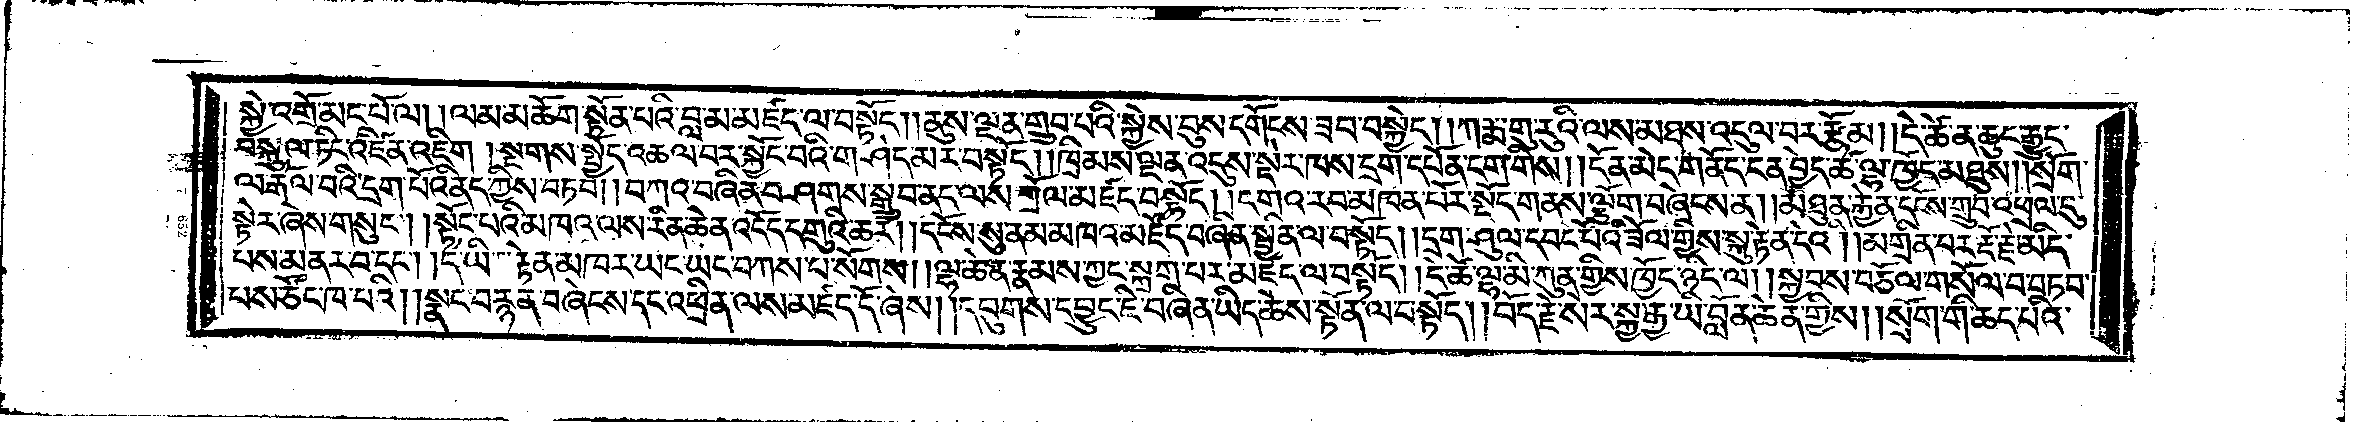སྐྱེ་འགྲོ་མང་པོ་ལ། །ལམ་མཆོག་སྟོན་པའི་བླ་མ་མཛད་ལ་བསྟོད། །ནུས་ལྡན་གྲུབ་པའི་སྐྱེས་བུས་དགོངས་བཟབ་བསྐྱེད། །ཀརྨ་གུ་རུའི་ལས་མཐས་འདུལ་བར་རྩོམ། །དེ་ཚེ་ན་ཆུང་རྒྱུད་
བསྐུལ་ཏིང་འཛིན་འཇིག། །སྔགས་སྤྱོད་འཆལ་བར་སྐྱོང་བའི་གཤེད་མར་བསྟོད། །ཁྲིམས་ལྡན་འདུས་སྡེར་ཁས་དྲག་དཔོན་དག་གིས། །དོན་མེད་གནོད་ངན་བྱེད་ཚ་ལྷ་ཁྱོད་མཐུས། །སྲོག་
ལ་རྒལ་བའི་དྲག་པོའི་ནད་ཀྱིས་བཏབ། །བཀའ་བཞིན་བཤགས་སྒྲུབ་ནད་ལས་གྲོལ་མཛད་བསྟོད། །དགྲའ་རབ་མཁན་པོར་སྡོད་གནས་ལྕོག་བཞེངས་ན། །མཐུན་རྐྱེན་དངོས་གྲུབ་འཕྲལ་དུ་
སྟེར་ཞེས་གསུང་། །སྟོང་པའི་མཁའ་ལས་རིན་ཆེན་འདོད་དགུའི་ཆར། །དངོས་སུ་ནམ་མཁའ་མཛོད་བཞིན་སྦྱིན་ལ་བསྟོད། །དྲག་ཤུལ་དབང་པོའི་ཟོལ་གྱིས་སྐུ་རྟེན་དེའི། །མགྲིན་པར་རྡོ་རྗེ་མེད་
པས་མནར་བ་དང་། །ད་ཡི་རྟེན་མཁར་ཡང་ཡང་བཀས་པ་སོགས། །ལྷ་ཆེན་རྣམས་ཀྱང་སྐྲག་པར་མཛད་ལ་བསྟོད། །དེ་ཚེ་ལྷ་མི་ཀུན་གྱིས་ཁྱོད་ཉིད་ལ། །སྐྱབས་བཅོལ་གསོལ་བ་བཏབ་
པས་ཙོང་ཁ་པའི། །སྣང་བརྙན་བཞེངས་དང་འཕྲིན་ལས་མཛད་དོ་ཞེས། །དབུགས་དབྱུང་ཇི་བཞིན་ཡིད་ཆེས་སྟོན་པ་ལ་བསྟོད། །བོད་རྗེ་སེར་སྐྱ་རྒྱ་ཡི་བློན་ཆེན་གྱིས། །སྲོག་གི་ཆད་པའི་